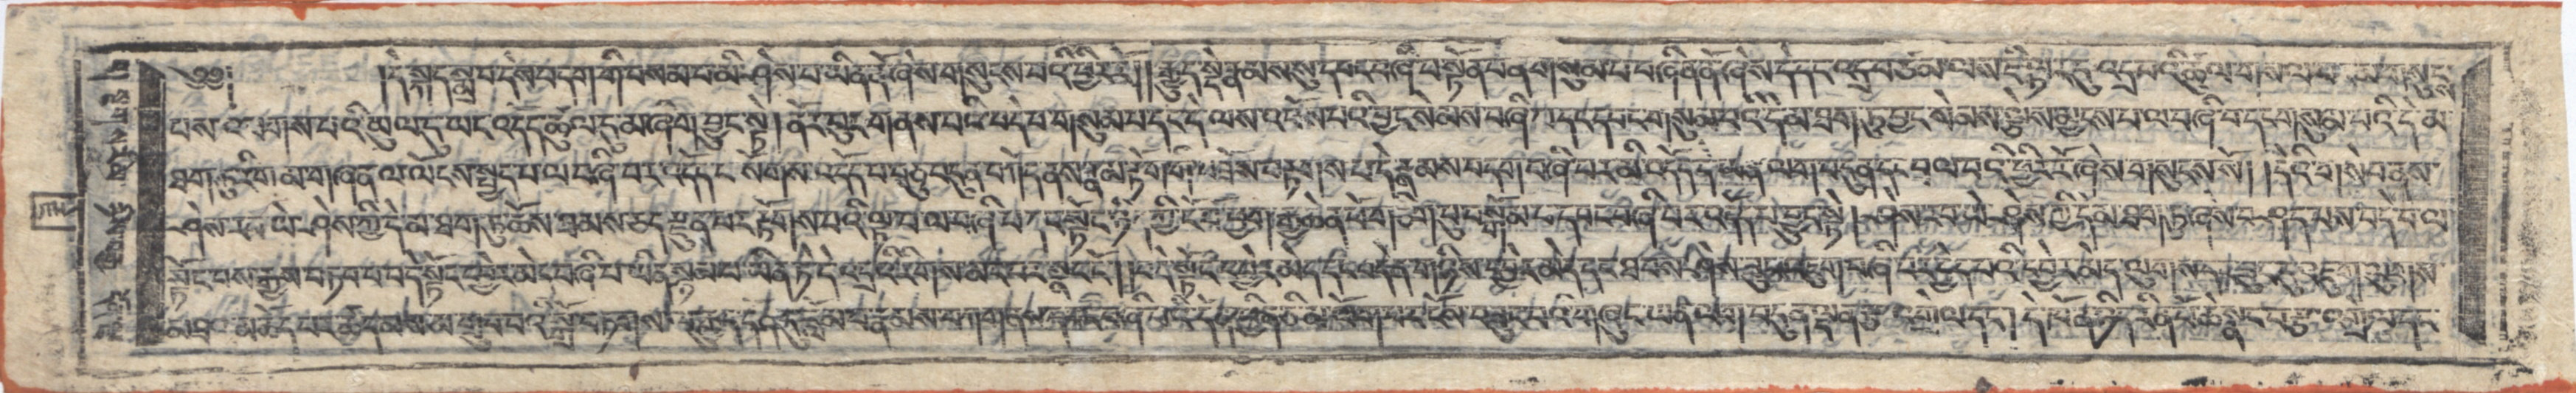༄༅། །དེ་སྐད་སྨྲ་བ་དེས་བདག་གི་བསམ་པ་མི་ཤེས་པ་ཡིན་ནོ་ཞེས་གསུངས་པའི་ཕྱིར་རོ། །རྒྱུད་སྡེ་རྣམས་སུ་དབང་བཞི་པ་སྟོན་པ་ན་གསུམ་པ་བཞིན་ནོ་ཞེས་དེ་དང་འདྲ་བ་ཙམ་ལས་ཇི་ལྟར་དུ་འདྲ་བའི་ཚུལ་གསལ་བར་མ་གསུངས་
པས་འཕགས་པའི་ཡུལ་དུ་ཡང་འདོད་ཚུལ་དུ་མ་ཞིག་བྱུང་སྟེ། ནོར་བུར་གནས་པའི་བདེ་བ་གསུམ་པ་དང་དེ་ལས་འཕོས་པའི་བྱང་སེམས་བཞི་པ་དང་དབང་གསུམ་པའི་དེ་མ་ཐག་ཏུ་བྱང་སེམས་ལྕེས་མྱངས་པ་ལ་བཞི་བ་དང་གསུམ་པའི་དེ་མ་
ཐག་ཏུ་རིག་མ་གཞན་ལ་ལོངས་སྤྱད་པ་ལ་བཞི་བར་འདོད་པ་སོགས་འདོད་པ་བཅུ་བདུན་བཀོད་ནས་རྣམ་རྟོག་གི་བཟོས་བརྟགས་པ་དེ་རྣམས་བདག་བཞི་པར་མི་འདོད་དེ་ཡན་ལག་བདུན་དང་བྲལ་བའི་ཕྱིར་རོ་ཞེས་གསུངས་སོ། །དེའི་གསེབ་ནས་
ཤེས་རབ་ཡེ་ཤེས་ཀྱི་དེ་མ་ཐག་ཏུ་ཆོས་ཐམས་ཅད་རྫུན་པར་རྟོགས་པའི་ལྟ་བ་ལ་བཞི་པ་དང་སྟོང་ཉིད་ཀྱི་ངོ་བོ་ཕྱག་རྒྱ་ཆེན་པོ་གཅིག་པུ་བསྒོམ་པ་དབང་བཞི་བར་འདོད་པ་བྱུང་སྟེ། ཤེས་རབ་ཡེ་ཤེས་ཀྱི་དེ་མ་ཐག་ཏུ་ཞེས་བཤད་པས་བདེ་བ་ལ་
སྟོང་པས་རྒྱས་བཏབ་པ་བདེ་སྟོང་དབྱེར་མེད་བཞི་པ་ཡིན་སྙམ་པ་ཡིན་ཏེ་དེ་འདྲའི་རིགས་མང་བར་སྣང་ངོ། །བདེ་སྟོང་དབྱེར་མེད་དང་བདེན་གཉིས་དབྱེར་མེད་དང་ཐབས་ཤེས་ཟུང་འཇུག་བཞི་པར་བྱེད་པའི་དབྱེར་མེད་ལུགས་དང་ཟུང་དུ་འཇུག་ལུགས་
མཐའ་མཆོད་པར་ཚད་མས་མ་གྲུབ་པའི་སྒྲོ་བཏགས་ལ་རྒྱུད་དོན་དུ་རློམ་པ་རྣམས་བཀག་ནས་དབང་བཞི་པའི་དོན་ཕྱིན་ཅི་མ་ལོག་པར་ངོས་བཟུང་བའི་གཞུང་ཡན་ལག་བདུན་ལྡན་རྩ་འགྲེལ་དང་། དེ་ཁོ་ན་ཉིད་རིན་པོ་ཆེ་སྣང་བ་རྩ་འགྲེལ་དང་